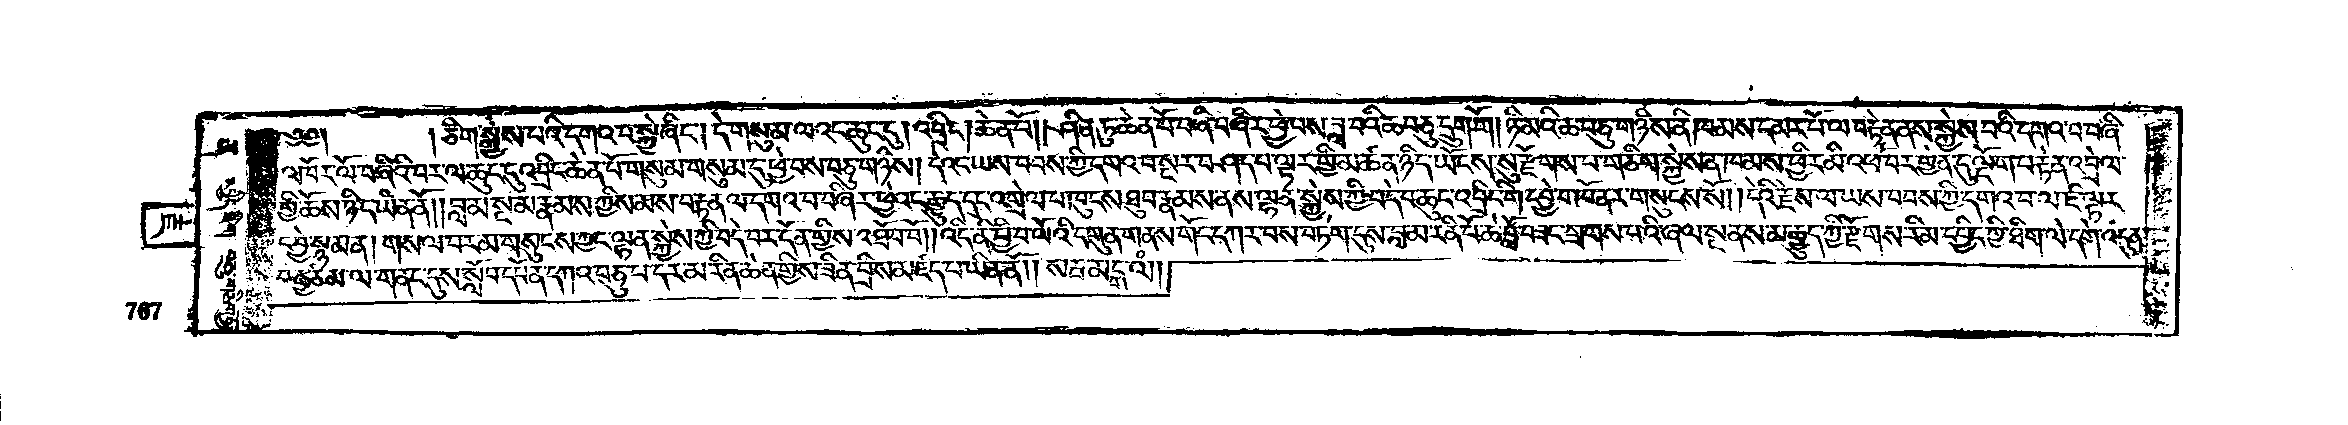༄༅། །ཅིག་སྐྱེས་པའི་དགའ་བ་སྐྱེ་ཞིང་། དེ་གསུམ་ལའང་ཆུང་དུ། །འབྲིང་། ཆེན་པོ། །ཤིན་ཏུ་ཆེན་པོ་བཞི་བཞིར་ཕྱེ་བས་ཟླ་བའི་ཆ་བཅུ་དྲུག་གོ། ཉི་མའི་ཆ་བཅུ་གཉིས་ནི་ཁམས་དམར་པོ་ལ་བརྟེན་ནས་སྐྱེས་པའི་དགའ་བ་བཞི་
འཁོར་ལོ་བཞིའི་བར་ལ་ཆུང་དུ་འབྲིང་ཆེན་པོ་གསུམ་གསུམ་དུ་ཕྱེ་བས་བཅུ་གཉིས། དེའང་ཡས་བབས་ཀྱི་དགའ་བ་སྔར་བཤད་པ་ལྟར་གྱི་མཚན་ཉིད་ཡོངས་སུ་རྫོགས་པ་གཅིག་སྐྱེས་ན་ཁམས་ཕྱིར་མི་འཕོ་བར་གྱེན་དུ་ལྡོག་བརྟེན་འབྲེལ་
གྱི་ཆོས་ཉིད་ཡིན་ནོ། །བླ་མ་སྔ་མ་རྣམས་ཀྱིས་མས་བརྟན་ལ་དགའ་བ་བཞིར་ཕྱེའང་རྒྱུད་དང་འགྲེལ་པ་ཁུངས་ཐུབ་རྣམས་ནས་ལྷན་སྐྱེས་ཀྱི་བདེ་བ་ཆུང་འབྲིང་གི་དབྱེ་བ་ཁོ་ནར་གསུངས་སོ། །དེའི་རྗེས་ལ་ཡས་བབས་ཀྱི་དགའ་བ་ལ་ཇི་ལྟར་
དབྱེ་སྙམ་ན། གསལ་བར་མ་གསུངས་ཀྱང་ལྷན་སྐྱེས་ཀྱི་བདེ་བར་དོན་གྱིས་འཐོབ་བོ། །འདི་ནི་བྱི་བ་ལོའི་དགུན་གནས་གོང་དཀར་བས་བཏེག་དུས་བླ་མ་རིན་པོ་ཆེ་བློ་བཟང་གྲགས་པའི་ཞལ་སྔ་ནས་མ་རྒྱུད་ཀྱི་རྫོགས་རིམ་དཔྱིད་ཀྱི་ཐིག་ལེ་དགེ་འདུན་
བརྒྱ་ཙམ་ལ་གནང་དུས་སློབ་དཔོན་དཀའ་བཅུ་པ་དར་མ་རིན་ཆེན་གྱིས་ཟིན་བྲིས་མཛད་པ་ཡིན་ནོ། །སརྦ་མངྒ་ལཾ།